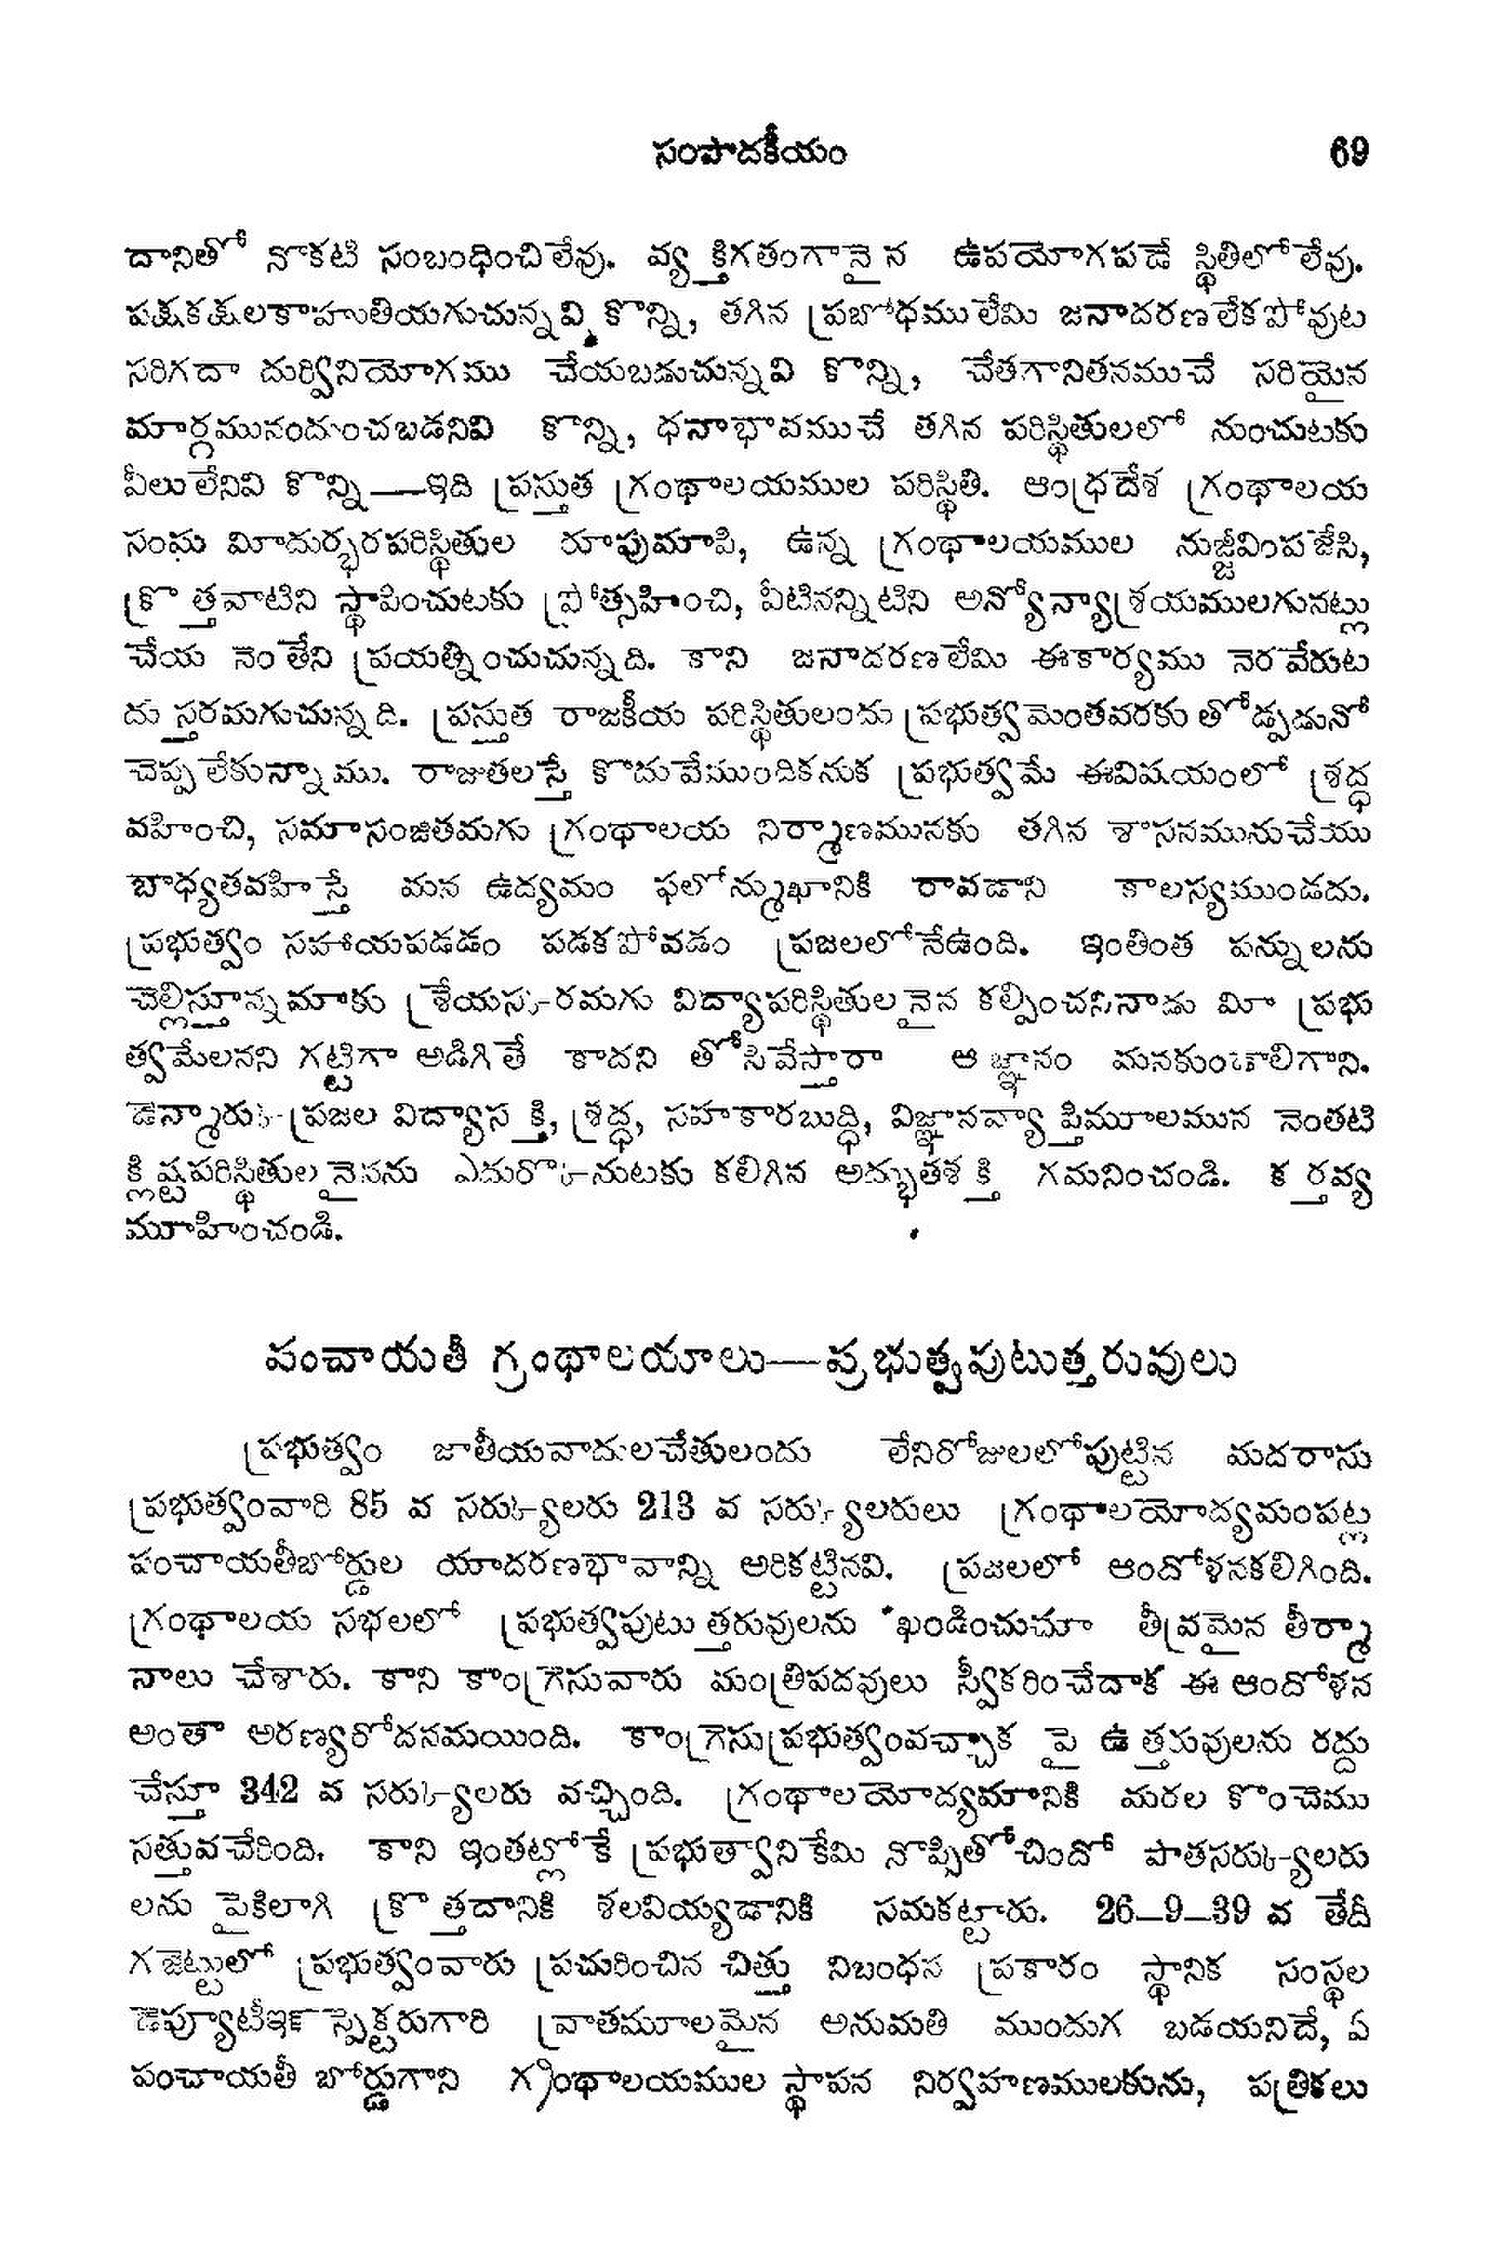దానితో నొకటి సంబంధించి లేవు. వ్యక్తిగతంగానైన ఉపయోగపడే స్థితిలో లేవు.
పక్షకక్షలకాహుతియగుచున్నవి కొన్ని, తగిన ప్రబోధములేమి జనాదరణ లేక పోవుట
సరిగదా దుర్వినియోగము చేయబడుచున్నవి కొన్ని, చేతగానితనముచే సరియైన
మార్గమునందుంచబడనివి కొన్ని, ధనాభావముచే తగిన పరిస్థితులలో నుంచుటకు
వీలు లేనివి కొన్ని - ఇది ప్రస్తుత గ్రంథాలయముల పరిస్థితి. ఆంధ్రదేశ గ్రంథాలయ
సంఘ మీదుర్భర పరిస్థితులు రూపుమాపి, ఉన్న గ్రంథాలయముల నుజ్జీవింపజేసి,
క్రొత్తవాటిని స్థాపించుటకు ప్రోత్సహించి, వీటినన్నిటిని అన్యోన్యాశ్రయములగునట్లు
చేయ నెంతేని ప్రయత్నించుచున్నది. కాని జనాదరణలేమి ఈ కార్యము నెరవేరుట
దుస్తరమగుచున్నది. ప్రస్తుత రాజకీయ పరిస్థితులందు ప్రభుత్వమెంతవరకు తోడ్పడునో
చెప్పలేకున్నాము. రాజు తలస్తే కొదువేముంది కనుక ప్రభుత్వమే ఈవిషయంలో శ్రద్ధ
వహించి, సమాసంజితమగు గ్రంథాలయ నిర్మాణమునకు తగిన శాసనమును చేయు
బాధ్యతవహిస్తే మన ఉద్యమం ఫలోన్ముఖానికి రావడాని కాలస్యముండదు. ప్రభుత్వం సహాయపడడం పడకపోవడం ప్రజలలో నేఉంది. ఇంతింత పన్నులను చెల్లిస్తూన్న మాకు శ్రేయస్కరమగు విద్యాపరిస్థితులనైన కల్పించనినాడు మీ ప్రభుత్వమేలనని గట్టిగా అడిగితే కాదని తోసివేస్తారా ఆజ్ఞానం మనకుండాలిగాని. డెన్మార్కు ప్రజల విద్యాసక్తి, శ్రద్ధ, సహకారబుద్ధి, విజ్ఞానవ్యాప్తిమూలమున నెంతటి క్లిష్టపరిస్థితుల నైనను ఎదుర్కొనుటకు కలిగిన అద్భుతశక్తి గమనించండి. కర్తవ్యమూహించండి.

ప్రభుత్వం జాతీయవాదుల చేతులందు లేనిరోజులలో పుట్టిన మదరాసు ప్రభుత్వంవారి 
85వ సర్క్యులరు 213వ సర్క్యులరులు గ్రంథాలయోద్యమంపట్ల, పంచాయతీబోర్డుల యాదరణభావాన్ని అరికట్టినవి. ప్రజలలో ఆందోళనకలిగింది. గ్రంథాలయ సభలలో ప్రభుత్వపుటుత్తరువులను ఖండించుచూ తీవ్రమైన తీర్మానాలు చేశారు. కాని కాంగ్రెసువారు మంత్రిపదవులు స్వీకరించేదాక ఈ ఆందోళన అంతా అరణ్యరోదనమయింది. కాంగ్రెసు ప్రభుత్వం వచ్చాక పై ఉత్తరువులను రద్దు చేస్తూ 342వ సర్క్యులరు వచ్చింది. గ్రంథాలయోద్యమానికి మరల కొంచెము సత్తువ చేరింది. కాని ఇంతట్లోకే ప్రభుత్వానికేమి నొప్పితోచిందో పాతసర్క్యులరులను పైకిలాగి క్రొత్తదానికి శలవియ్యడానికి సమకట్టారు. 
26-9-39వ తేదీ గజెట్టులో ప్రభుత్వంవారు ప్రచురించిన చిత్తు నిబంధన ప్రకారం స్థానిక సంస్థల డెప్యూటీఇ౯ స్పెక్టరుగారి వ్రాతమూలమైన అనుమతి ముందుగ బడయనిదే, ఏ
పంచాయతీ బోర్డుగాని గ్రంథాలయముల స్థాపన నిర్వహణములకును, పత్రికలు